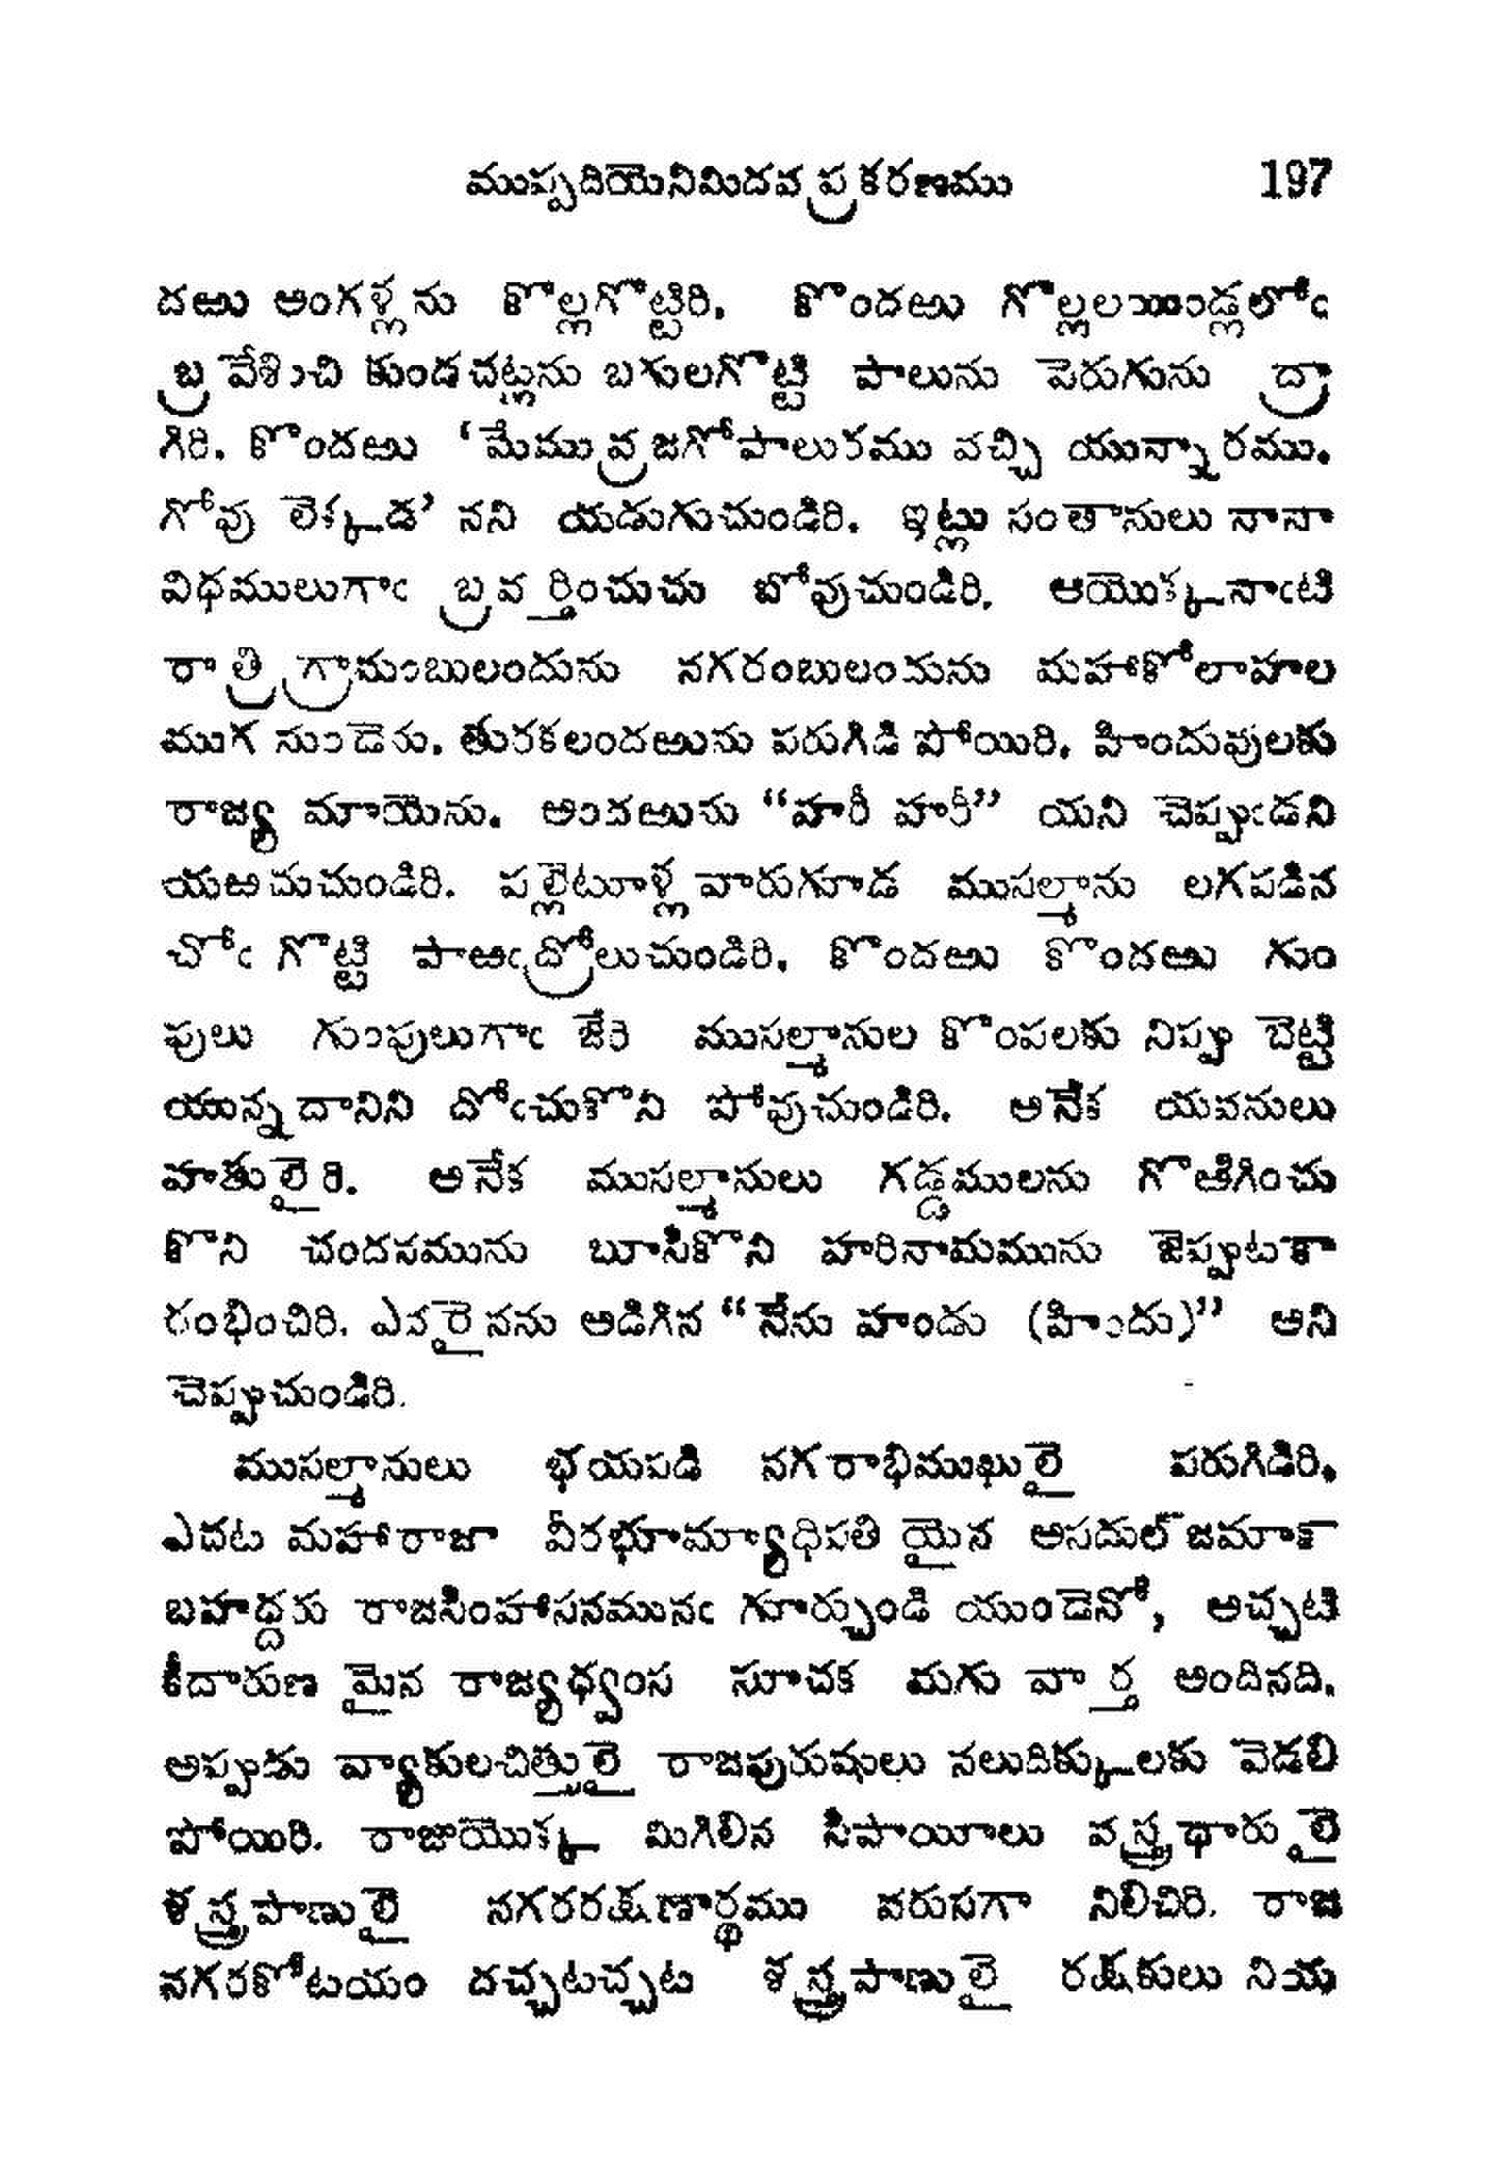దఱు అంగళ్లను కొల్లగొట్టిరి, కొందఱు గొల్లల యిండ్లలోఁ బ్రవేశించి కుండ చట్లను బగులగొట్టి పాలును పెరుగును ద్రాగిరి. కొందఱు 'మేమువ్రజగోపాలురము వచ్చి యున్నారము. గోవు లెక్కడ' నని యడుగుచుండిరి. ఇట్లు సంతానులు నానా
విధములుగాఁ బ్రవర్తించుచు బోవుచుండిరి. ఆయొక్క నాఁటి రాత్రి గ్రామంబులందును నగరంబులందును మహాకోలాహల
ముగ నుండెను, తురకలందఱును పరుగిడి పోయిరి. హిందువులకు రాజ్య మాయెను. అందఱును “హరీ హరీ” యని చెప్పుఁడని యఱచుచుండిరి. పల్లెటూళ్ల వారుగూడ ముసల్మాను లగపడినచోఁ గొట్టి పాఱఁద్రోలుచుండిరి, కొందఱు కొందఱు గుంపులు గుంపులుగాఁ జేరి ముసల్మానుల కొంపలకు నిప్పు బెట్టి యున్న దానిని దోఁచుకొని పోవుచుండిరి. అనేక యవనులు
హతులైరి. అనేక ముసల్మానులు గడ్డములను గొఱిగించు కొని చందనమును బూసికొని హరినామమును జెప్పుటకారంభించిరి. ఎవరైనను అడిగిన " నేను హండు (హిందు)” అని చెప్పుచుండిరి.

ముసల్మానులు భయపడి నగరాభిముఖులై పరుగిడిరి. ఎచట మహా రాజా వీరభూమ్యాధిపతి యైన అసదుల్ జమా౯ బహద్దరు రాజసింహాసనమునఁ గూర్చుండి యుండెనో, అచ్చటికీ దారుణ మైన రాజ్య ధ్వంస సూచక మగు వార్త అందినది, అప్పుడు వ్యాకులచిత్తులై రాజపురుషులు నలుదిక్కులకు వెడలి పోయిరి. రాజుయొక్క మిగిలిన సిపాయీలు వస్త్ర ధారులై శస్త్ర పాణులై నగరరక్షణార్థము వరుసగా నిలిచిరి. రాజనగరకోటయం దచ్చటచ్చట శస్త్ర పాణులై రక్షకులు నియ